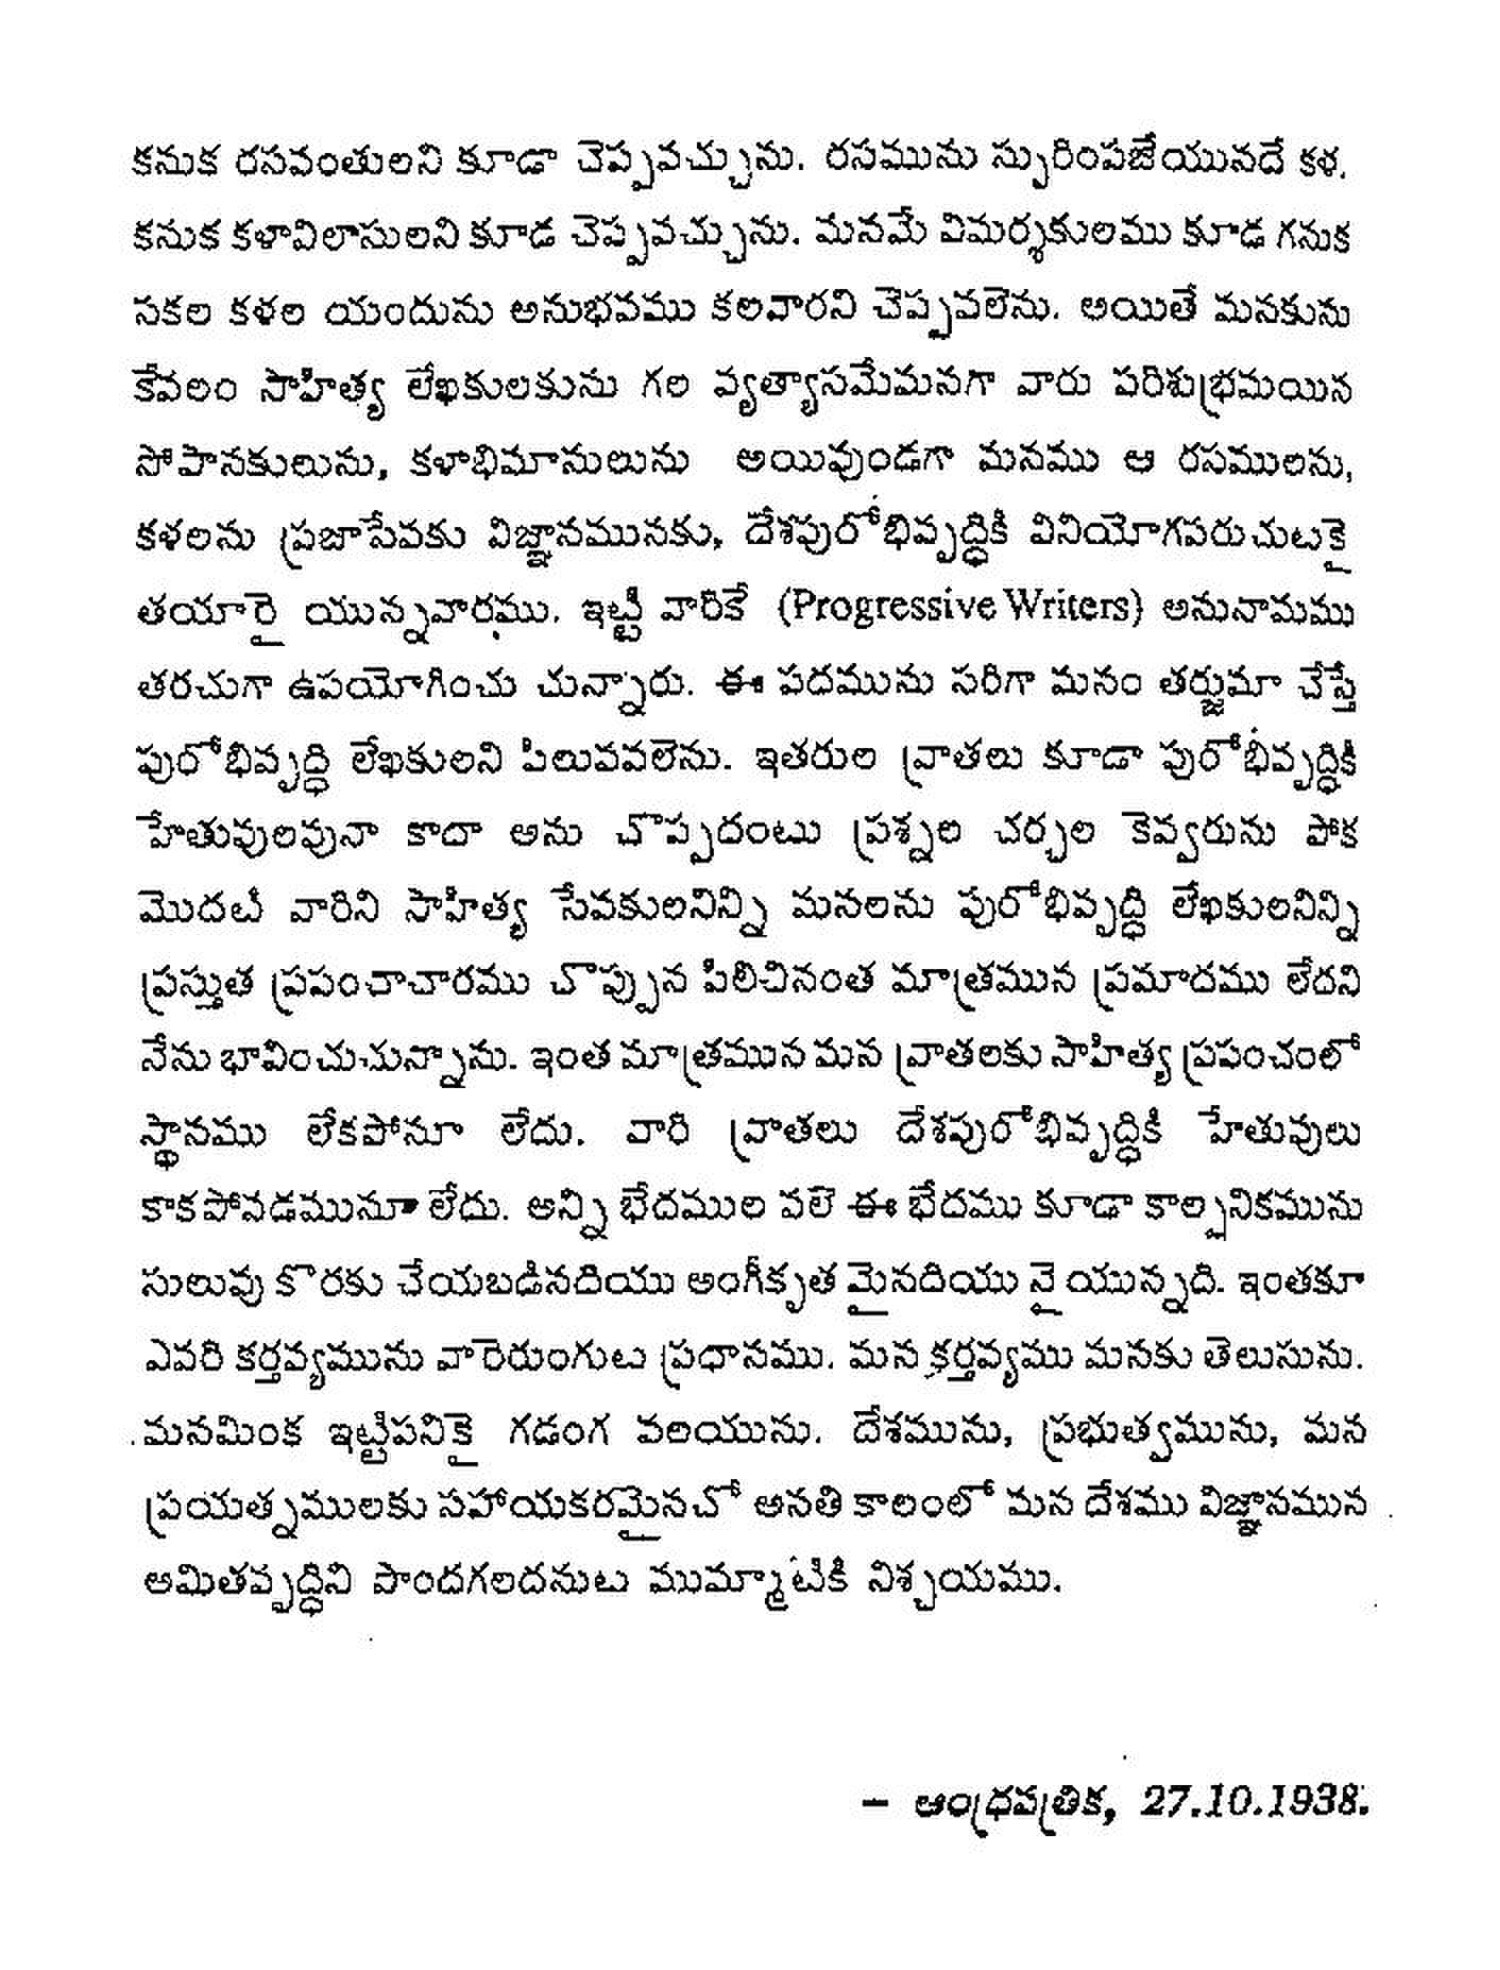కనుక రసవంతులని కూడా చెప్పవచ్చును. రసమును స్పురింపజేయునదే కళ. కనుక కళావిలాసులని కూడ చెప్పవచ్చును. మనమే విమర్శకులము కూడ గనుక సకల కళల యందును అనుభవము కలవారని చెప్పవలెను. అయితే మనకును కేవలం సాహిత్య లేఖకులకును గల వ్యత్యాసమేమనగా వారు పరిశుభ్రమయిన సోపానకులును, కళాభిమానులును అయివుండగా మనము ఆ రసములను కళలను ప్రజాసేవకు విజ్ఞానమునకు, దేశపురోభివృద్ధికి వినియోగపరచుటకై తాయారై యున్నవారము. ఇట్టి వారికే (Progressive Writers) అనునామము తరచుగా ఉపయోగించు చున్నారు. ఈ పదమును సరిగా మనం తర్జుమా చేస్తే పురోభివృద్ధి లేఖకులని పిలువవలెను. ఇతరుల వ్రాతలు కూడా పురోభివృద్ధికి హేతువులవునా కాద అను చొప్పదంటు ప్రశ్నల చర్చల కెవ్వరును పోక మొదటి వారిని సాహిత్య సేవకులనిన్ని మనలను పురోభివృద్ది లేఖకులనిన్ని ప్రస్తుత ప్రపంచాచారము చొప్పున పిలిచినంత మాత్రమున ప్రమాదము లేదని నేను భావించుచున్నాను. ఇంత మాత్రమున మన వ్రాతలకు సాహిత్యప్రపంచంలో స్థానము లేకపోనూ లేదు. అన్ని భేదముల వలె ఈ భేదము కూడా కాల్పనికమును సులువు కొరకు చేయబడినదియు అంగీకృత మైనదియు నై యున్నది. ఇంతకూ ఎవరి కర్తవ్యమును వారెరుంగుట ప్రధానము. మన కర్తవ్యము మనకు తెలుసును. మనమింక ఇట్టిపనికై గడంగ వలయును. దేశమును, ప్రభుత్వమును, మన ప్రయత్నములకు సహాయకరమైనచో అనతి కాలంలో మన దేశము విజ్ఞానమున అమితవృద్ధిని పొందగలదనుట ముమ్మాటికీ నిశ్చయము.